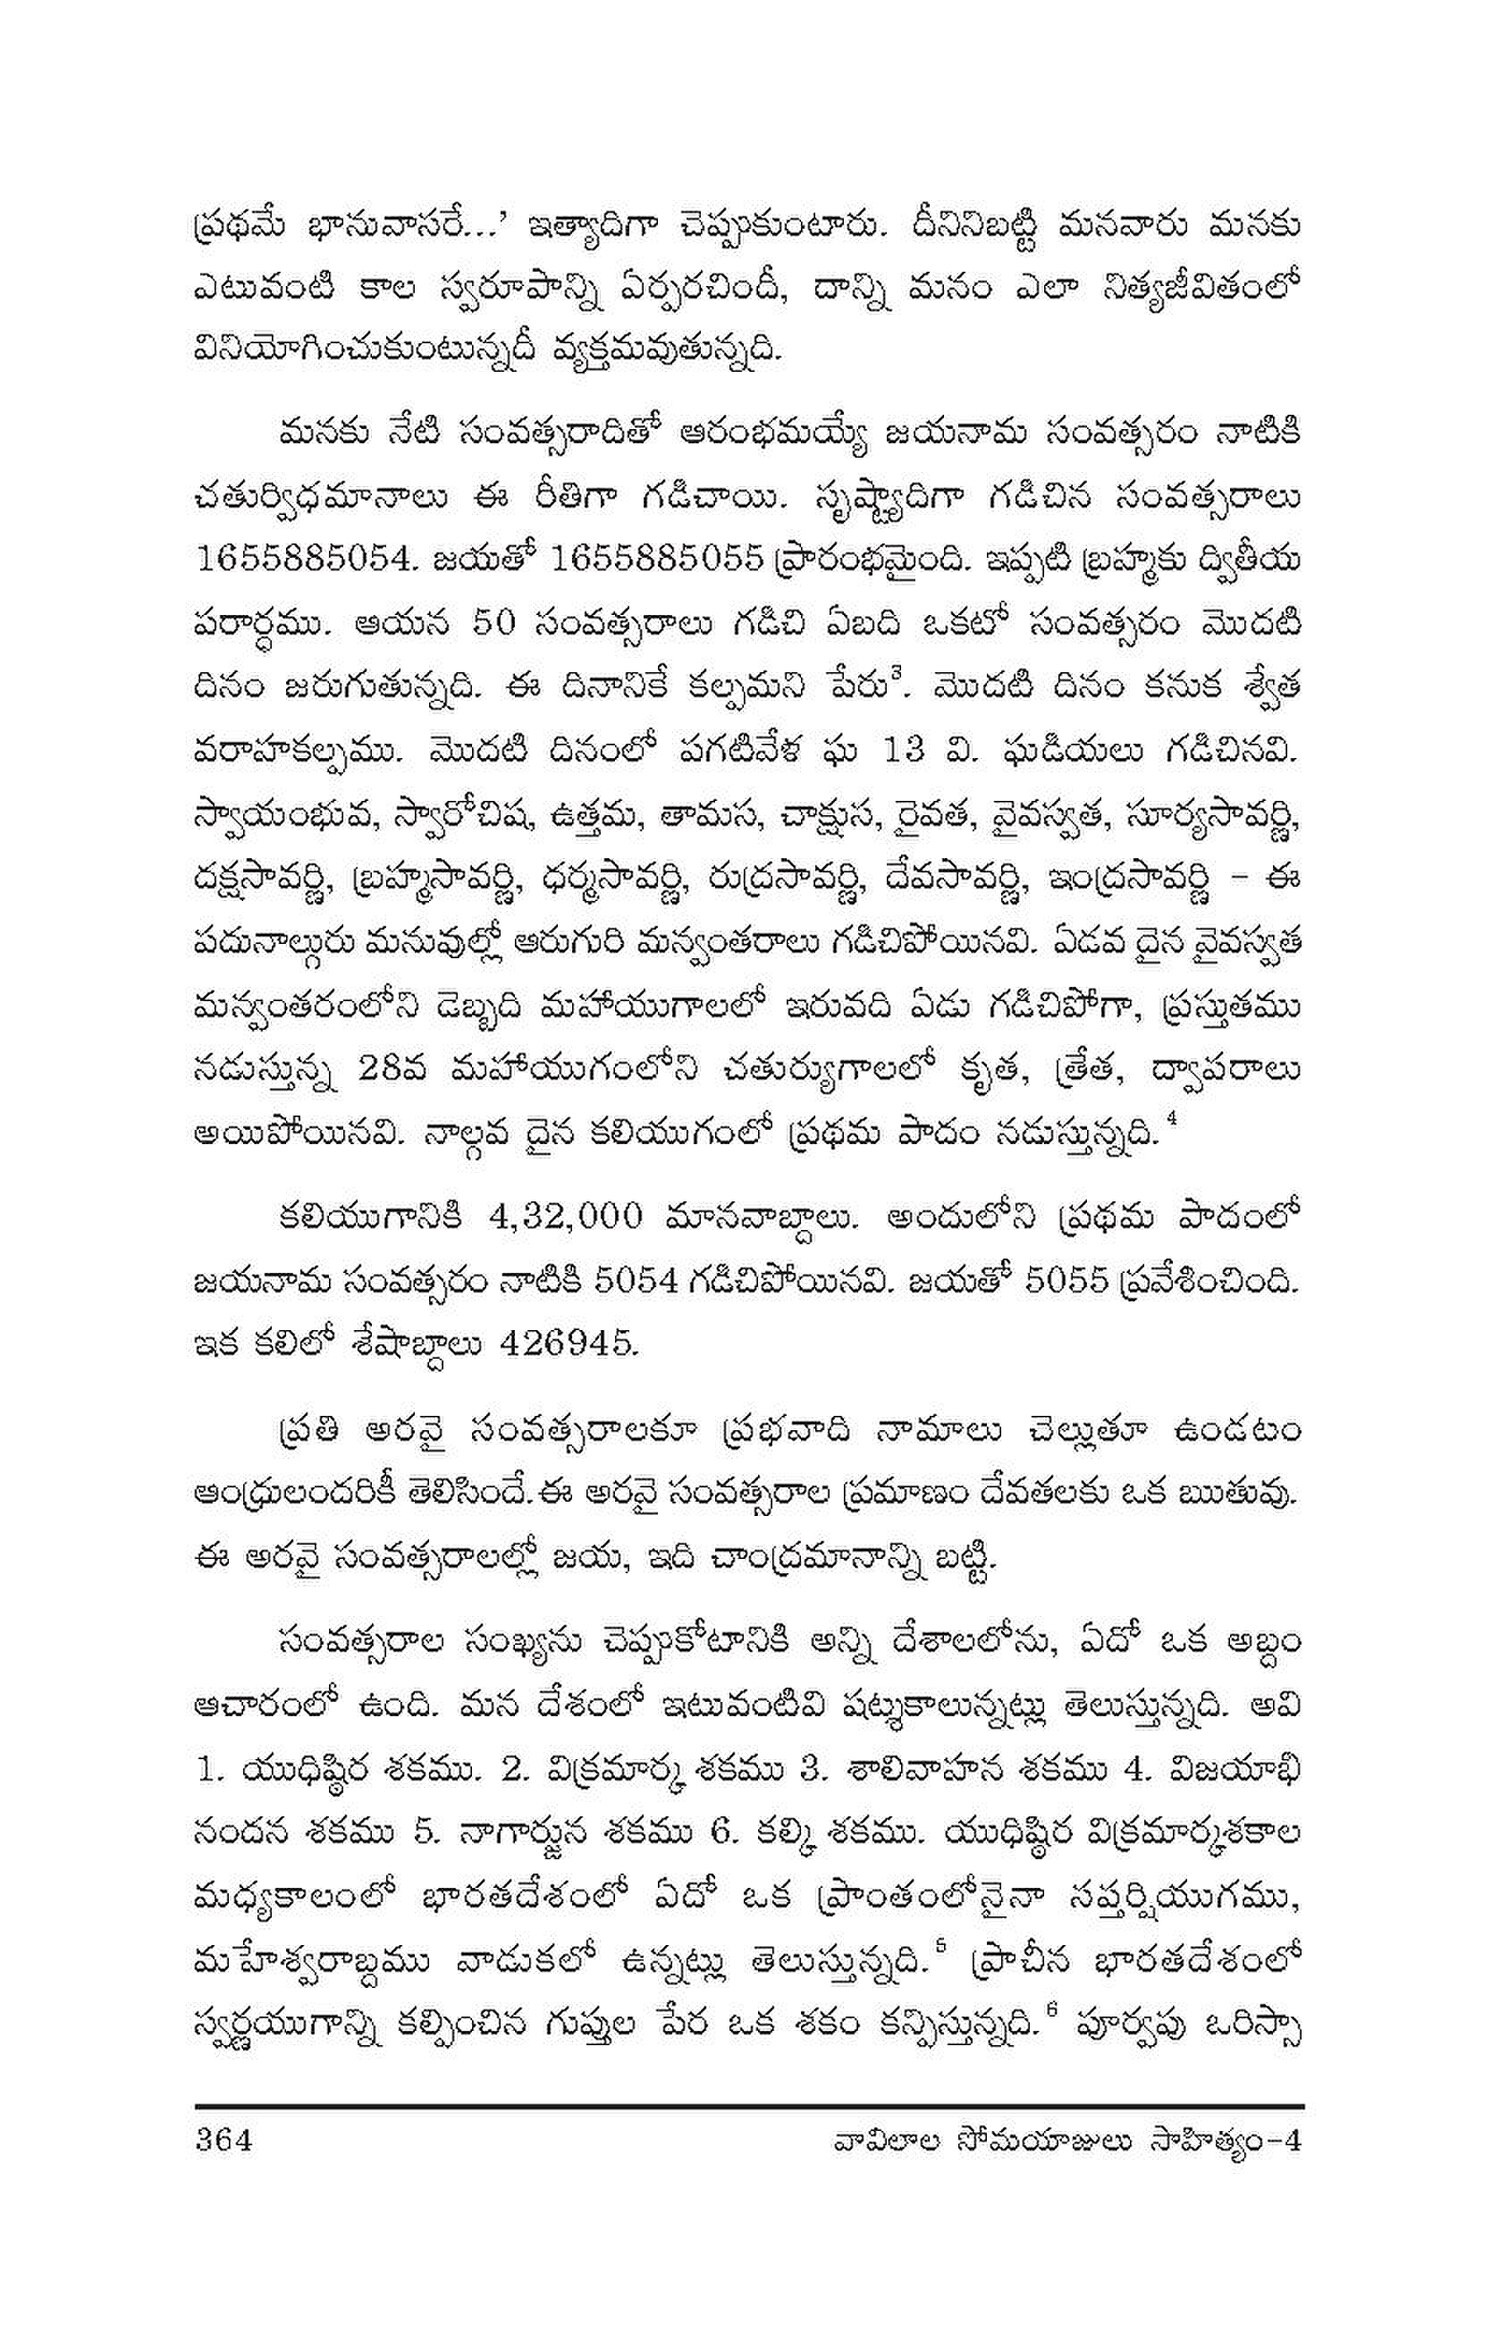ప్రథమే భానువాసరే...' ఇత్యాదిగా చెప్పుకుంటారు. దీనినిబట్టి మనవారు మనకు
ఎటువంటి కాల స్వరూపాన్ని ఏర్పరచింది, దాన్ని మనం ఎలా నిత్యజీవితంలో
వినియోగించుకుంటున్నదీ వ్యక్తమవుతున్నది.

మనకు నేటి సంవత్సరాదితో ఆరంభమయ్యే జయనామ సంవత్సరం నాటికి
చతుర్విధమానాలు ఈ రీతిగా గడిచాయి. సృష్ట్యాదిగా గడిచిన సంవత్సరాలు
1655885054. జయతో 1655885055 ప్రారంభమైంది. ఇప్పటి బ్రహ్మకు ద్వితీయ
పరార్ధము. ఆయన 50 సంవత్సరాలు గడిచి ఏబది ఒకటో సంవత్సరం మొదటి
దినం జరుగుతున్నది. ఈ దినానికే కల్పమని పేరు. మొదటి దినం కనుక శ్వేత
వరాహకల్పము. మొదటి దినంలో పగటివేళ ఘ 13 వి. ఘడియలు గడిచినవి.
స్వాయంభువ, స్వారోచిష, ఉత్తమ, తామస, చాక్షుస, రైవత, వైవస్వత, సూర్యసావర్ణి,
దక్షసావర్ణి, బ్రహ్మసావర్ణి, ధర్మసావర్ణి, రుద్రసావర్ణి, దేవసావర్ణి, ఇంద్రసావర్ణి - ఈ
పదునాల్గురు మనువుల్లో ఆరుగురి మన్వంతరాలు గడిచిపోయినవి. ఏడవ దైన వైవస్వత
మన్వంతరంలోని డెబ్బది మహాయుగాలలో ఇరువది ఏడు గడిచిపోగా, ప్రస్తుతము
నడుస్తున్న 28వ మహాయుగంలోని చతుర్యుగాలలో కృత, త్రేత, ద్వాపరాలు
అయిపోయినవి. నాల్గవ దైన కలియుగంలో ప్రథమ పాదం నడుస్తున్నది. 

కలియుగానికి 4,32,000 మానవాబ్దాలు. అందులోని ప్రథమ పాదంలో
జయనామ సంవత్సరం నాటికి 5054 గడిచిపోయినవి. జయతో 5055 ప్రవేశించింది. ఇక కలిలో శేషాబ్దాలు 426945.
ప్రతి అరవై సంవత్సరాలకూ ప్రభవాది నామాలు చెల్లుతూ ఉండటం
ఆంధ్రులందరికీ తెలిసిందే. ఈ అరవై సంవత్సరాల ప్రమాణం దేవతలకు ఒక ఋతువు. ఈ అరవై సంవత్సరాలల్లో జయ, ఇది చాంద్రమానాన్ని బట్టి.

సంవత్సరాల సంఖ్యను చెప్పుకోటానికి అన్ని దేశాలలోను, ఏదో ఒక అబ్దం
ఆచారంలో ఉంది. మన దేశంలో ఇటువంటివి షట్శకాలున్నట్లు తెలుస్తున్నది. అవి
1. యుధిష్ఠిర శకము. 2. విక్రమార్క శకము 3. శాలివాహన శకము 4. విజయాభి
నందన శకము 5. నాగార్జున శకము 6. కల్కి శకము. యుధిష్ఠిర విక్రమార్కశకాల
మధ్యకాలంలో భారతదేశంలో ఏదో ఒక ప్రాంతంలోనైనా సప్తర్షియుగము,
మహేశ్వరాబ్దము వాడుకలో ఉన్నట్లు తెలుస్తున్నది. ప్రాచీన భారతదేశంలో
స్వర్ణయుగాన్ని కల్పించిన గుప్తుల పేర ఒక శకం కన్పిస్తున్నది.పూర్వపు ఒరిస్సా
మూలములు